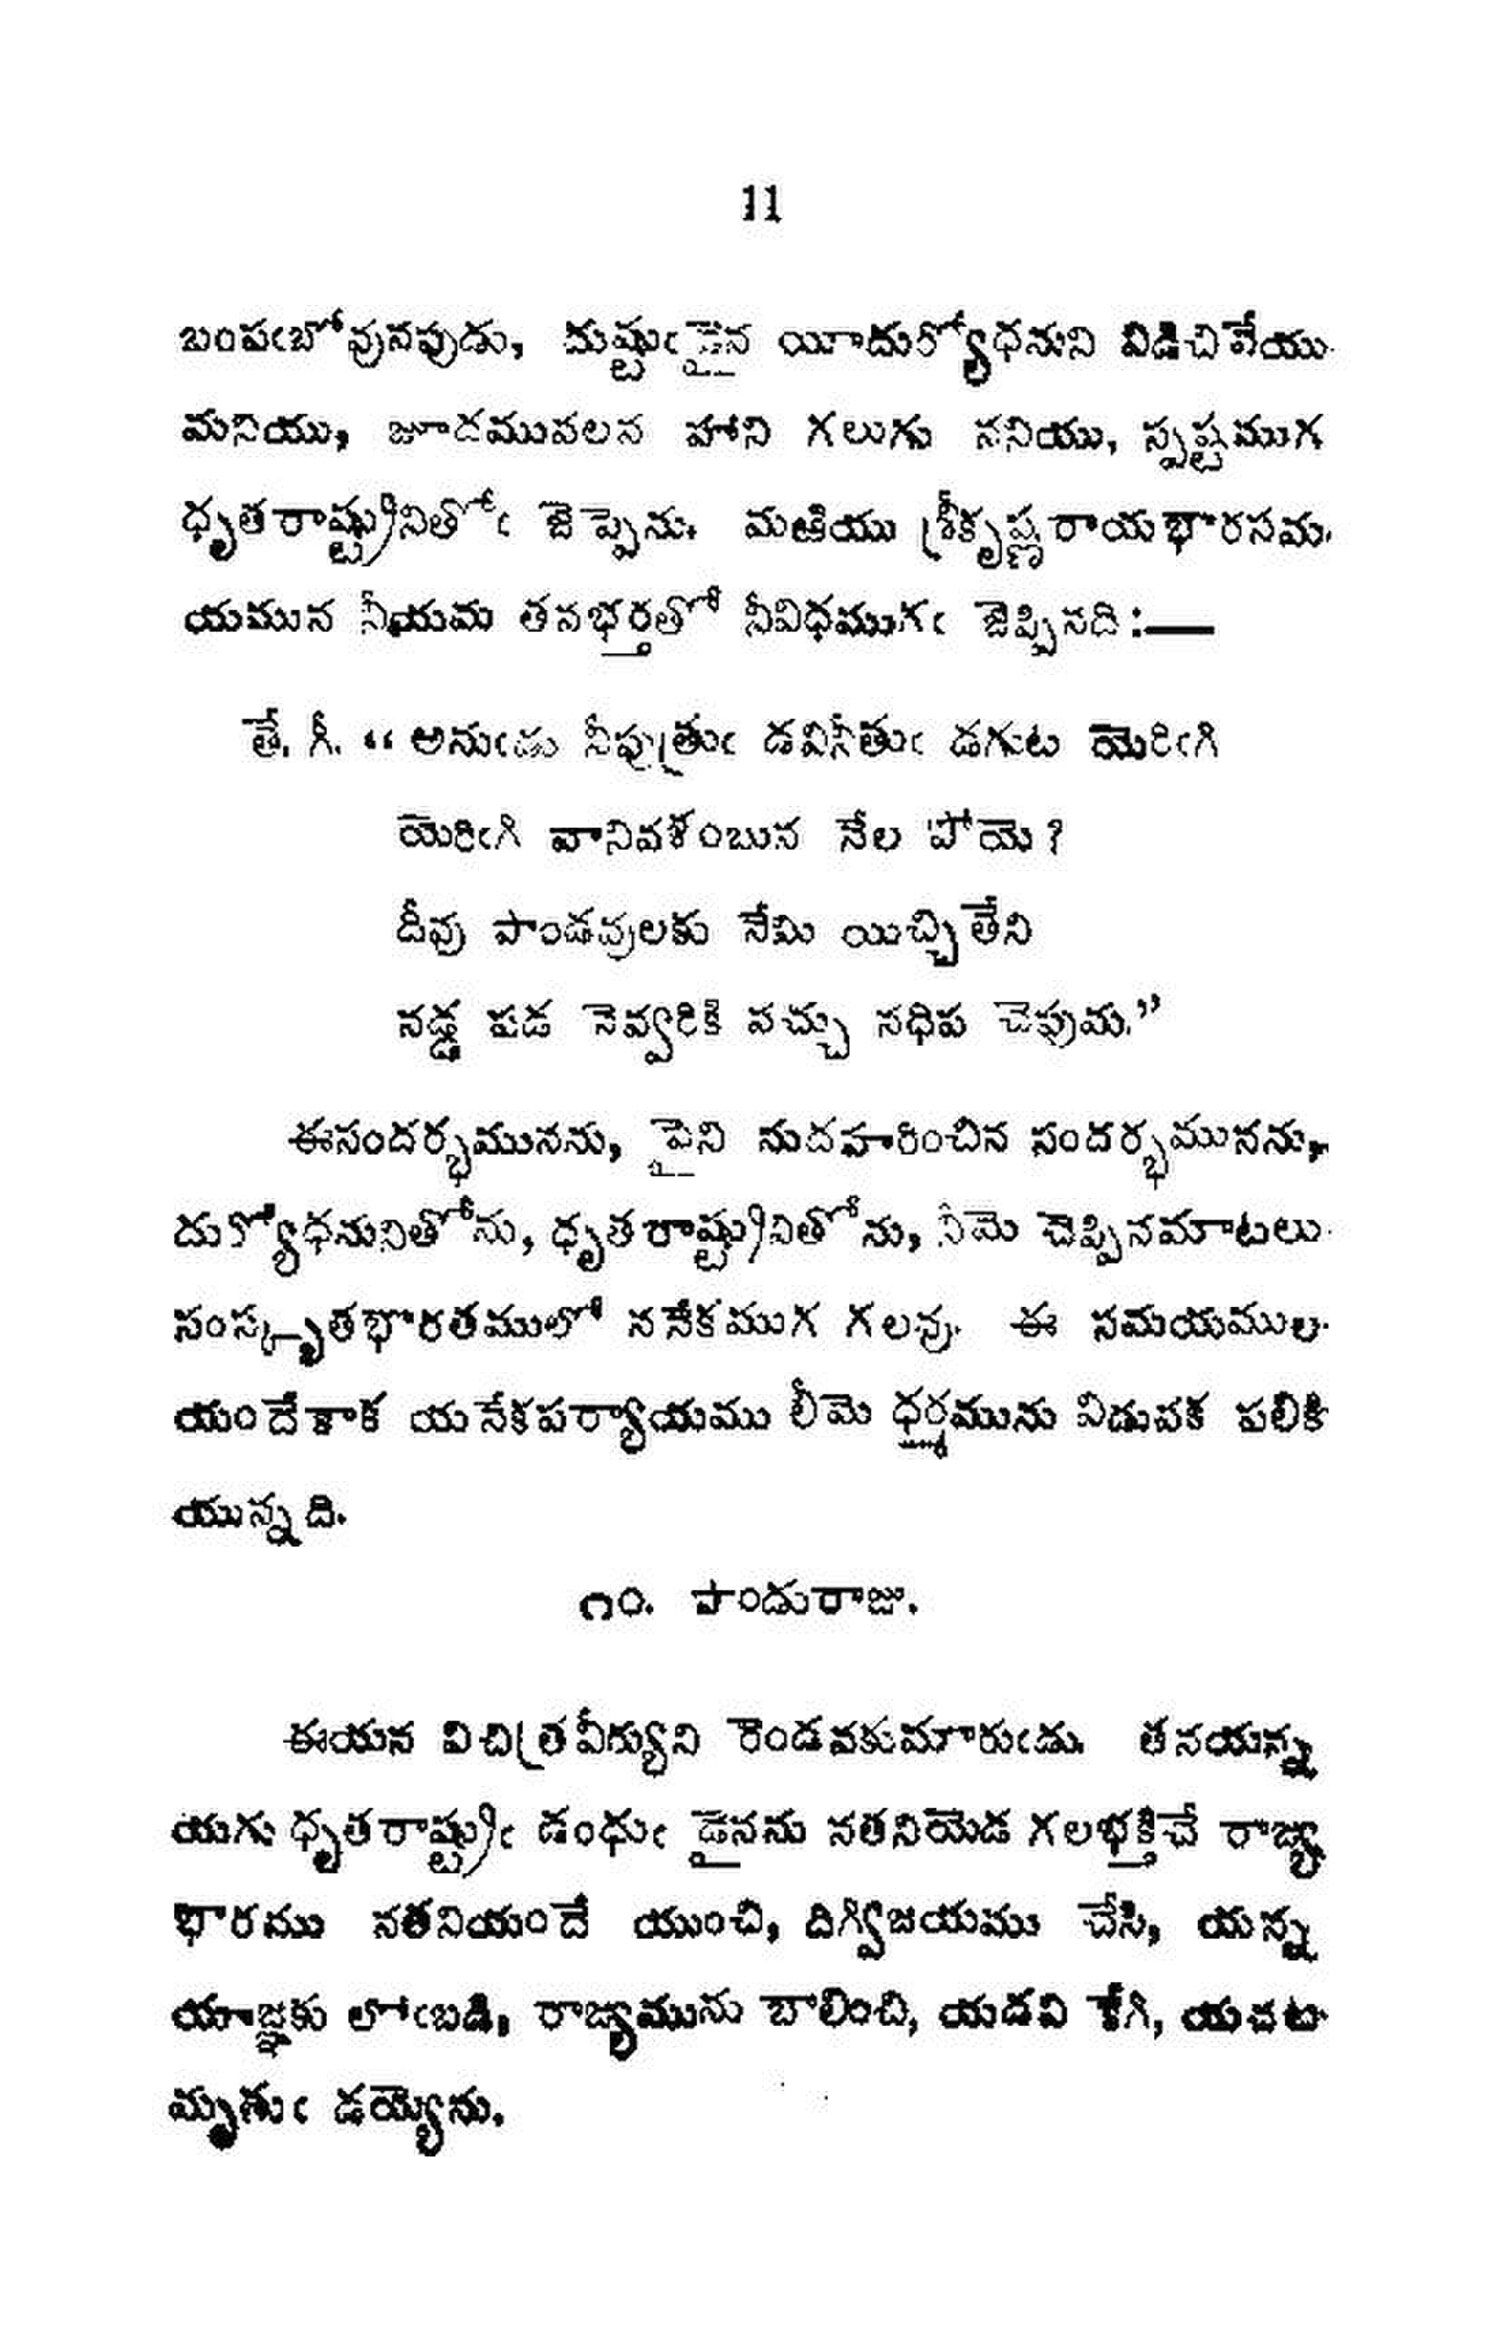బంపఁబోవునపుడు, దుష్టుఁడైన యీదుర్యోధనుని విడిచివేయుమనియు, జూదమువలన హాని గలుగు ననియు, స్పష్టముగ ధృతరాష్ట్రునితోఁ జెప్పెను. మఱియు శ్రీకృష్ణరాయభారసమయమున నీయమ తనభర్తతో నీవిధముగఁ జెప్పినది :-

తే. గీ. "అనుఁడు నీపుత్రుఁ డవినీతుఁ డగుట యెరిఁగి
 యెరిఁగి వానివశంబున నేల పోయె?
 దీవు పాండవులకు నేమి యిచ్చితేని
 నడ్డ పడ నెవ్వరికి వచ్చు నధిప చెపుమ.”
ఈసందర్భమునను, పైని నుదహరించిన సందర్భమునను, దుర్యోధనునితోను, ధృతరాష్ట్రునితోను, నీమె చెప్పినమాటలు సంస్కృతభారతములో ననేకముగ గలవు. ఈ సమయముల యందేకాక యనేకపర్యాయము లీమె ధర్మమును విడువక పలికి యున్నది.

ఈయన విచిత్రవీర్యుని రెండవకుమారుఁడు. తనయన్న యగు ధృతరాష్ట్రుఁ డందుఁ డైనను నతనియెడ గలభక్తిచే రాజ్యభారము నతనియందే యుంచి, దిగ్విజయము చేసి, యన్న యాజ్ఞకు లోబడి, రాజ్యమును బాలించి, యడవి కేగి, యచట మృతుఁ డయ్యెను,